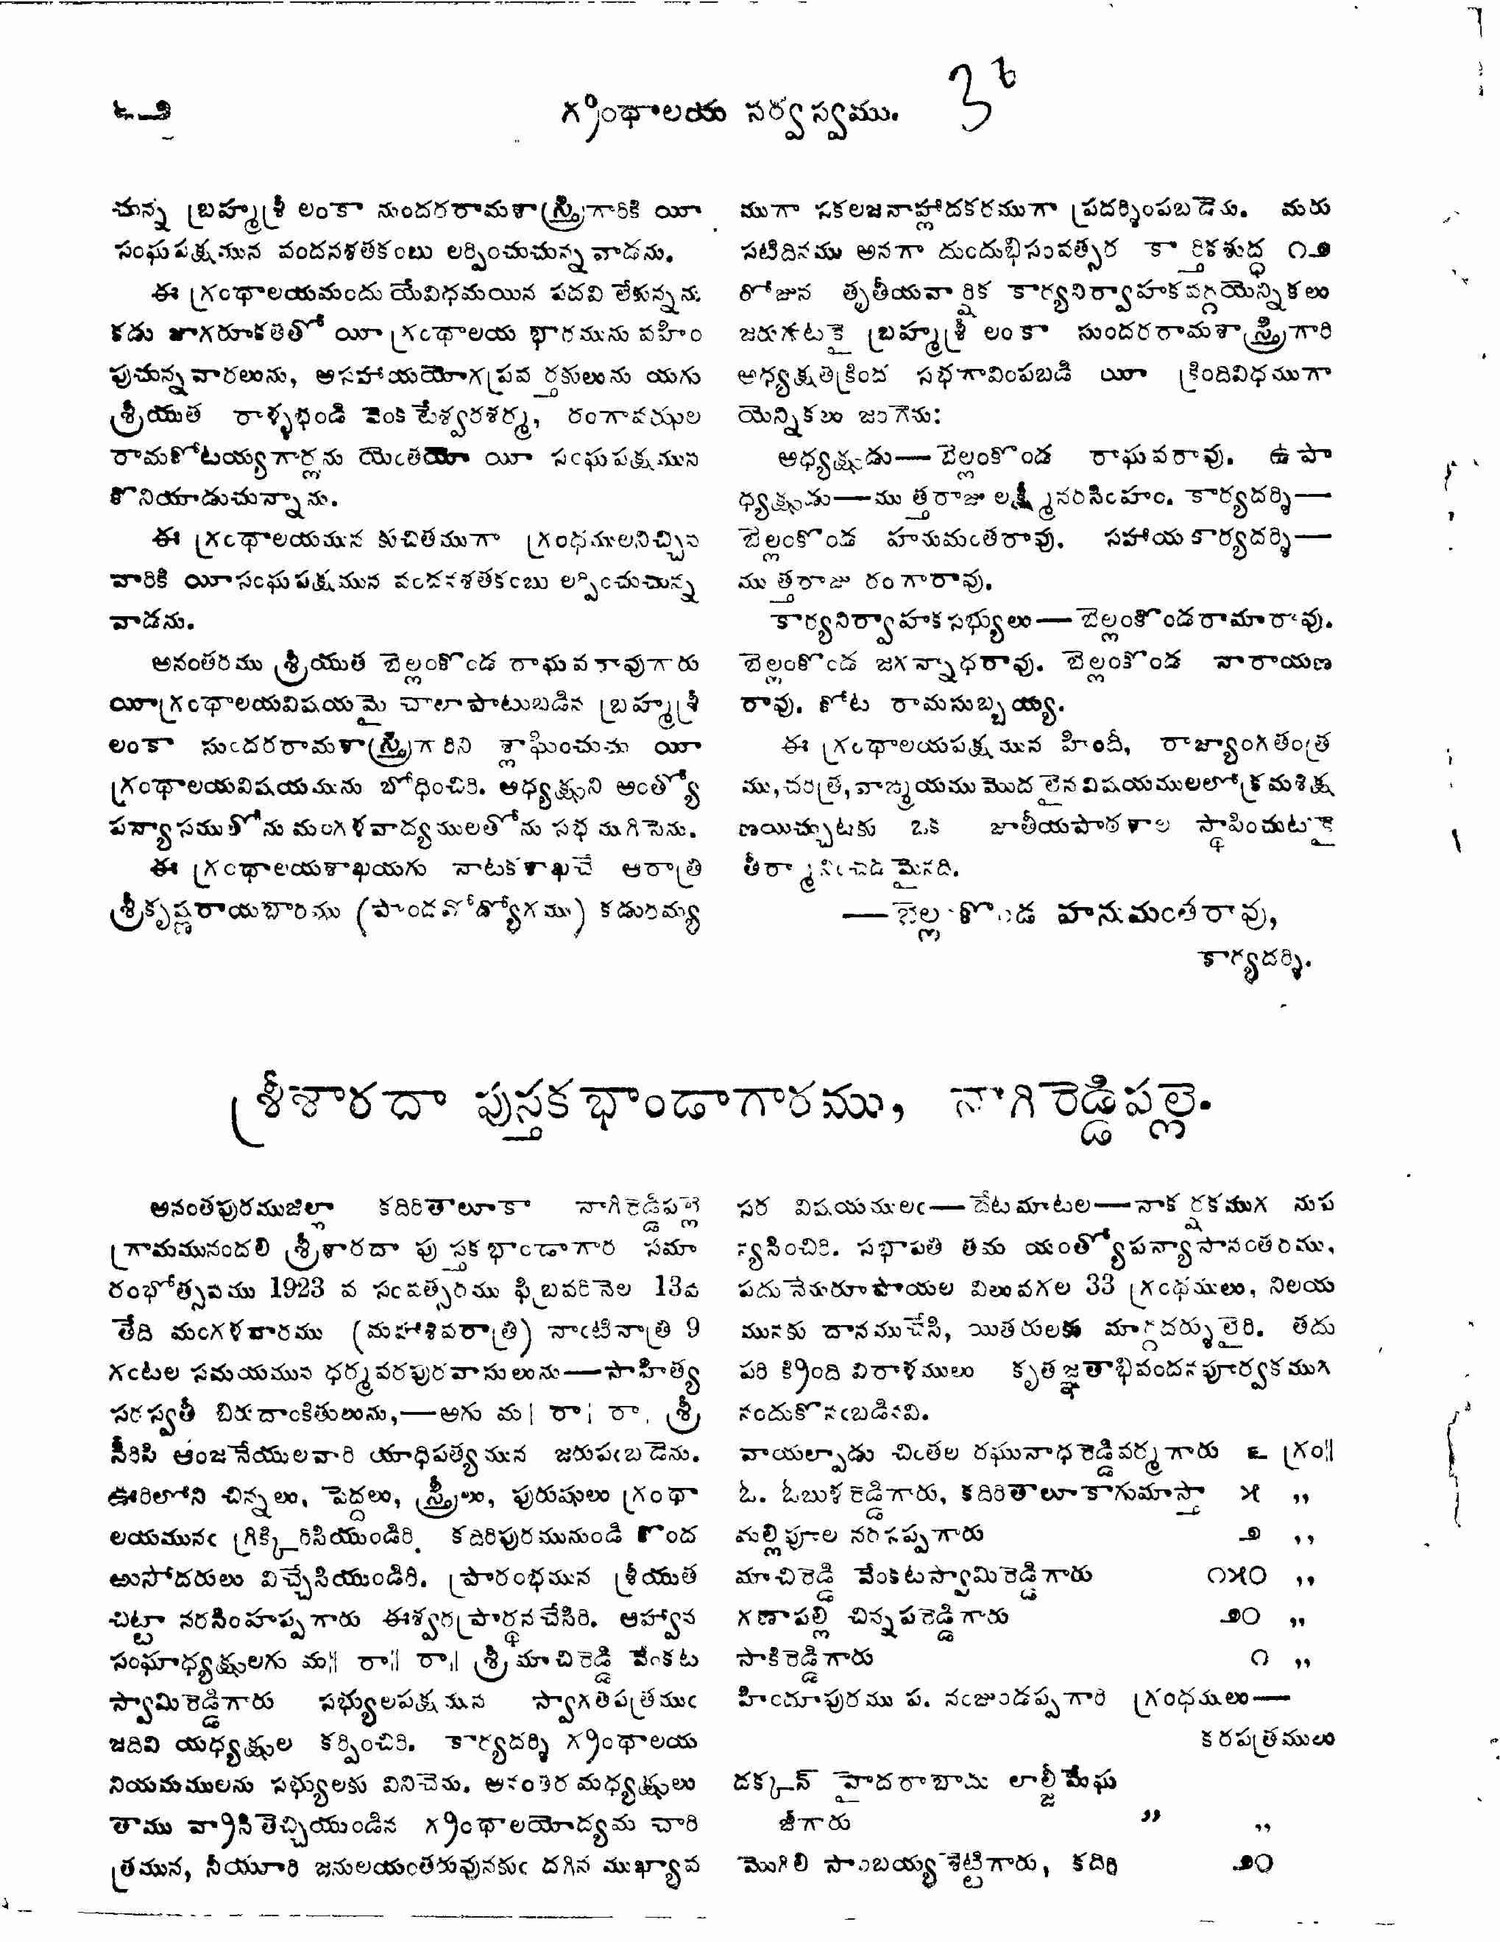చున్న బ్రహ్మశ్రీ లంకా ముందరరామశాస్త్రి గారికి యీ సంఘపక్షమున వందనశతకంబు లర్పించుచున్నవాడను.

ఈ గ్రంథాలయమందు యేవిధమయిన పదవి లేకున్నను కడు జాగరూకతతో యీ గ్రంథాలయ భాగమును వహింపుచున్న వారలును, అసహాయయోగ ప్రవర్తకులును యగు శ్రీయుత రాళ్ళబండి వెంకటేశ్వరశర్మ, రంగావఝల రామకోటయ్యగార్లను యెంత్రయో యీ సంఘపక్షముస కొనియాడుచున్నాను.

ఈ గ్రంథాలయమున కుచితముగా గ్రంధములనిచ్చిన వారికి యీసంఘపక్షమున వందనశతకంబు లర్పించుచున్నవాడను.

అనంతరము శ్రీయుత బెల్లంకొండ రాఘవరావుగారు యీగ్రంథాలయవిషయమై చాలాపాటుబడిన బ్రహ్మశ్రీ లంకా సుందరరామశాస్త్రి గారిని శ్లాఘించుచు యీ గ్రంథాలయవిషయమును బోధించిరి. అధ్యక్షుని అంత్యోపన్యాసములోను మంగళవాద్యములతోను సభ ముగిసెను.

ఈ గ్రంథాలయశాఖయగు నాటకశాఖచే ఆరాత్రి శ్రీకృష్ణరాయబారము (పాండవోద్యోగము) కడురమ్యముగా సకలజనాహ్లాదకరముగా ప్రదర్శింపబడెను. మరుసటిదినము అనగా దుందుభి సంవత్సర కార్తికశుద్ధ ౧౨ రోజున తృతీయవార్షిక కార్యనిర్వాహక వర్గయెన్నికలు
జరుగుటకై బ్రహ్మశ్రీ లంకా సుందరరామశాస్త్రి గారి అధ్యక్షతిక్రింద సభగావింపబడి యీ క్రిందివిధముగా యెన్నికలు జరిగెను:

అధ్యక్షుడు - బెల్లంకొండ రాఘవరావు, ఉపాధ్యక్షుడు — ముత్తరాజు లక్ష్మీనరసింహం. కార్యదర్శి — బెల్లంకొండ హనుమంతరావు. సహాయ కార్యదర్శి — ముత్తరాజు రంగారావు.

కార్యనిర్వాహక సభ్యులు —— బెల్లంకొండ రామారావు. బెల్లంకొండ జగన్నాధరావు. బెల్లంకొండ నారాయణరావు, కోట రామసుబ్బయ్య.

ఈ గ్రంథాలయపక్షమున హిందీ, రాజ్యాంగతంత్రము, చరిత్ర, వాఙ్మయము మొదలైన విషయములలో క్రమశిక్షణయిచ్చుటకు ఒక జాతీయపాఠశాల స్థాపించుటకై తీర్మానించడమైనది.

 
అనంతపురముజిల్లా కదిరితాలూకా నాగిరెడ్డిపల్లె గ్రామమునందలి శ్రీశారదా పుస్తక భాండాగార సమారంభోత్సవము 1923 వ 
సంవత్సరము ఫిబ్రవరి నెల 13వ తేది మంగళవారము (మహాశివరాత్రి) నాటినాత్రి 9 గంటల సమయమున ధర్మవరపురవాసులును — 
సాహిత్య సరస్వతీ బిరుదాంకితులును, — అగు మ। రా౹ రా శ్రీ సీరిపి ఆంజనేయులవారి యాధిపత్యమున జరుపఁబడెను. ఊరిలోని చిన్నలు, పెద్దలు, స్త్రీలు, పురుషులు గ్రంథాలయమునఁ గ్రిక్కిరిసియుండిరి. కదిరిపురమునుండి కొందఱుసోదరులు విచ్చేసియుండిరి. ప్రారంభమున శ్రీయుత చిట్టా నరసింహప్పగారు ఈశ్వరప్రార్ధన చేసిరి. ఆహ్వాన సంఘాధ్యక్షులగు మ॥ రా॥ రా॥ శ్రీ మాచిరెడ్డి వేంకట
స్వామిరెడ్డిగారు సభ్యులపక్షమున స్వాగతిపత్రముఁ జదివి యధ్యక్షుల కర్పించిరి. కార్యదర్శి గ్రంథాలయ నియమములను సభ్యులకు వినిపించెను. ఆనంతర మధ్యక్షులు తాము వ్రాసి తెచ్చియుండిన గ్రంథాలయోద్యమ చారిత్రమున, నీయూరి జనులయంతరువునకుఁ దగిన ముఖ్యావసరవిషయములఁ - దేటమాటల - నాకర్షకముగను నుపన్యసించిరి. సభాపతి తమ యంత్యోపన్యాసానంతరము,
పదునేను రూపాయల విలువగల 33 గ్రంథములు, నిలయమునకు దానము చేసి, యితరులకు మార్గదర్శులైరి. తదుపరి క్రింది 
విరాళములు కృతజ్ఞతాభివందన పూర్వకముగ నందుకొనఁబడినవి.